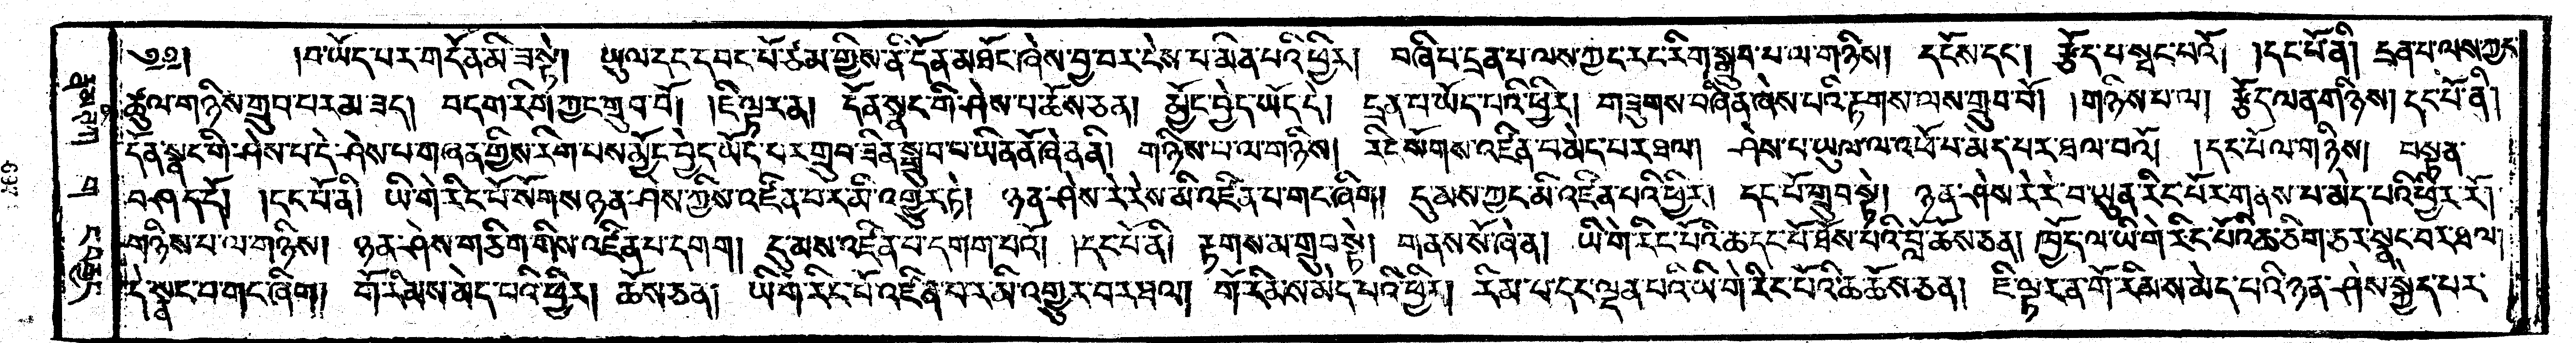༄༅། །བ་ཡོད་པར་གདོན་མི་ཟ་སྟེ། ཡུལ་དང་དབང་པོ་ཙམ་གྱིས་ནི་དོན་མཐོང་ཞེས་བྱ་བར་ངེས་པ་མིན་པའི་ཕྱིར། བཞི་པ་དྲན་པ་ལས་ཀྱང་རང་རིག་སྒྲུབ་པ་ལ་གཉིས། དངོས་དང་། རྩོད་པ་སྤང་པའོ། །དང་པོ་ནི། དྲན་པ་ལས་ཀྱང་
ཚུལ་གཉིས་གྲུབ་པར་མ་ཟད། བདག་རིག་ཀྱང་གྲུབ་བོ། །ཇི་ལྟ་ན། དོན་སྣང་གི་ཤེས་པ་ཆོས་ཅན། མྱོང་བྱེད་ཡོད་དེ། དྲན་པ་ཡོད་པའི་ཕྱིར། གཟུགས་བཞིན་ཞེས་པའི་རྟགས་ལས་གྲུབ་བོ། །གཉིས་པ་ལ། རྩོད་ལན་གཉིས། དང་པོ་ནི།
དོན་སྣང་གི་ཤེས་པ་དེ་ཤེས་པ་གཞན་གྱིས་རིག་པས་མྱོང་བྱེད་ཡོད་པར་གྲུབ་ཟིན་སྒྲུབ་པ་ཡིན་ནོ་ཞེ་ན་ནི། གཉིས་པ་ལ་གཉིས། རིང་སོགས་འཛིན་བ་མེད་པར་ཐལ། ཤེས་པ་ཡུལ་ལ་འཕོ་པ་མེད་པར་ཐལ་བའོ། །དང་པོ་ལ་གཉིས། བསྟན་
བཤད་དོ། །དང་པོ་ནི། ཡི་གེ་རིང་པོ་སོགས་ཉན་ཤེས་ཀྱིས་འཛིན་བར་མི་འགྱུར་ཏེ། ཉན་ཤེས་རེ་རེས་མི་འཛིན་པ་གང་ཞིག། དུ་མས་ཀྱང་མི་འཛིན་པའི་ཕྱིར། དང་པོ་གྲུབ་སྟེ། ཉན་ཤེས་རེ་རེ་བ་ཡུན་རིང་པོར་གནས་པ་མེད་པའི་ཕྱིར་རོ།
གཉིས་པ་ལ་གཉིས། ཉན་ཤེས་གཅིག་གིས་འཛིན་པ་དགག། དུ་མས་འཛིན་པ་དགག་པའོ། །དང་པོ་ནི། རྟགས་མ་གྲུབ་སྟེ། གནས་སོ་ཞེ་ན། ཡི་གེ་རིང་པོའི་ཆ་དང་པོ་ཐོས་པའི་བློ་ཆོས་ཅན། ཁྱོད་ལ་ཡི་གེ་རིང་པོའི་ཆ་ཅིག་ཅར་སྣང་བར་ཐལ།
དེ་སྣང་བ་གང་ཞིག། གོ་རིམས་མེད་པའི་ཕྱིར། ཆོས་ཅན། ཡི་གེ་རིང་པོ་འཛིན་པར་མི་འགྱུར་བར་ཐལ། གོ་རིམས་མེད་པའི་ཕྱིར། རིམ་པ་དང་ལྡན་པའི་ཡི་གེ་རིང་པོའི་ཆ་ཆོས་ཅན། ཇི་ལྟར་ན་གོ་རིམས་མེད་པའི་ཉན་ཤེས་སྐྱེད་པར་